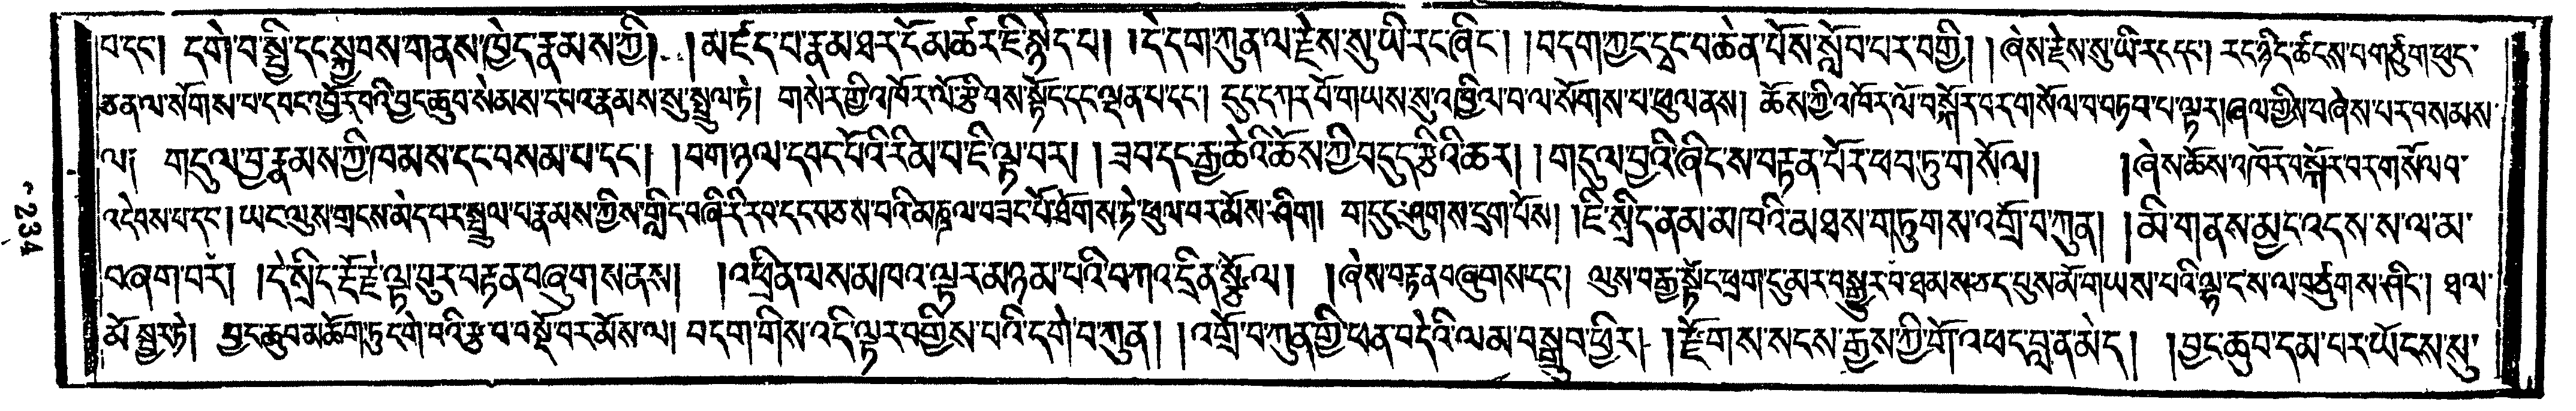པ་དང་། དགེ་བ་སྤྱི་དང་སྐྱབས་གནས་ཁྱེད་རྣམས་ཀྱི། །མཛད་པ་རྣམ་ཐར་ངོ་མཚར་ཇི་སྙེད་པ། །དེ་དག་ཀུན་ལ་རྗེས་སུ་ཡི་རང་ཞིང་། །བདག་ཀྱང་དྭང་བ་ཆེན་པོས་སློབ་པར་བགྱི། །ཞེས་རྗེས་སུ་ཡི་རང་དང་། རང་ཉིད་ཚངས་པ་གཙུག་ཕུད་
ཅན་ལ་སོགས་པ་དབང་འབྱོར་བའི་བྱང་ཆུབ་སེམས་དཔའ་རྣམས་སུ་སྤྲུལ་ཏེ། གསེར་གྱི་འཁོར་ལོ་རྩིབས་སྟོང་དང་ལྡན་པ་དང་། དུང་དཀར་བོ་གཡས་སུ་འཁྱིལ་བ་ལ་སོགས་པ་ཕུལ་ནས། ཆོས་ཀྱི་འཁོར་ལོ་བསྐོར་བར་གསོལ་བ་བཏབ་པ་ལྟར་།ཞལ་གྱིས་བཞེས་པར་བསམས་
ལ༑ གདུལ་བྱ་རྣམས་ཀྱི་ཁམས་དང་བསམ་པ་དང་། །བག་ཉལ་དབང་པོའི་རིམ་པ་ཇི་ལྟ་བར། །ཟབ་དང་རྒྱ་ཆེའི་ཆོས་ཀྱི་བདུད་རྩིའི་ཆར། །གདུལ་བྱའི་ཞིང་ས་བརྟན་པོར་ཕབ་ཏུ་གསོལ། །ཞེས་ཆོས་འཁོར་བསྐོར་བར་གསོལ་བ་
འདེབས་པ་དང་། ཡང་ལུས་གྲངས་མེད་པར་སྤྲུལ་པ་རྣམས་ཀྱིས་གླིང་བཞི་རི་རབ་དང་བཅས་པའི་མཎྜལ་བཟང་པོ་ཐོགས་ཏེ་ཕུལ་བར་མོས་ཤིག། གདུང་ཤུགས་དྲག་པོས། །ཇི་སྲིད་ནམ་མཁའི་མཐས་གཏུགས་འགྲོ་བ་ཀུན། །མི་གནས་མྱང་འདས་ས་ལ་མ་
བཞག་བར། །དེ་སྲིད་རྡོ་རྗེ་ལྟ་བུར་བརྟན་བཞུགས་ནས། །འཕྲིན་ལས་མཁའ་ལྟར་མཉམ་པའི་བཀའ་དྲིན་སྩོལ། །ཞེས་བརྟན་བཞུགས་དང་། ལུས་བརྒྱ་སྟོང་ཕྲག་དུ་མར་བསྒྱུར་བ་ཐམས་ཅད་པུས་མོ་གཡས་པའི་ལྷ་ང་ས་ལ་བཙུགས་ཤིང་། ཐལ་
མོ་སྦྱར་ཏེ། བྱང་ཆུབ་མཆོག་ཏུ་དགེ་བའི་རྩ་བ་བསྡོ་བར་མོས་ལ། བདག་གིས་འདི་ལྟར་བགྱིས་པའི་དགེ་བ་ཀུན། །འགྲོ་བ་ཀུན་གྱི་ཕན་བདེའི་ལམ་བསྒྲུབ་ཕྱིར། །རྫོགས་སངས་རྒྱས་ཀྱི་གོ་འཕང་བླ་ན་མེད། །བྱང་ཆུབ་དམ་པར་ཡོངས་སུ་